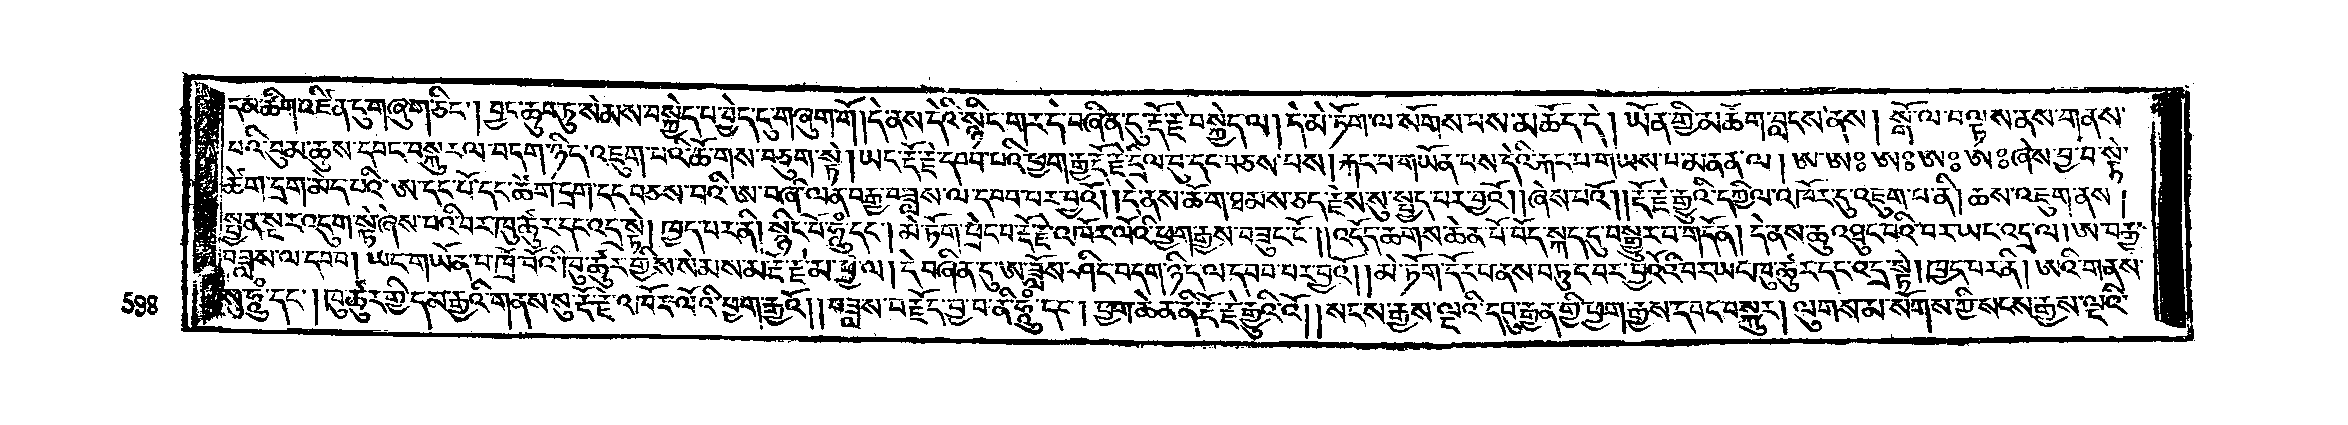དམ་ཚིག་འཛིན་དུ་གཞུག་ཅིང་། བྱང་ཆུབ་ཏུ་སེམས་བསྐྱེད་པ་བྱེད་དུ་གཞུག་གོ། །དེ་ནས་དེའི་སྙིང་གར་དེ་བཞིན་དུ་རྡོ་རྗེ་བསྐྱེད་ལ། དེ་མེ་ཏོག་ལ་སོགས་པས་མཆོད་དེ། ཡོན་གྱི་མཆོག་བླངས་ནས། སྒོ་ལ་བལྟས་ནས་གནས་
པའི་བུམ་ཆུས་དབང་བསྐུར་ལ་བདག་ཉིད་འཇུག་པའི་ཆོ་གས་བཅུག་སྟེ། ཡང་རྡོ་རྗེ་དབབ་པའི་ཕྱག་རྒྱ་རྡོ་རྗེ་དྲིལ་བུ་དང་བཅས་པས། རྐང་པ་གཡོན་པས་དེའི་རྐང་པ་གཡས་པ་མནན་ལ། ཨ་ཨཿ ཨཿ ཨཿ ཨཿ ཞེས་བྱ་བ་སྟེ་
ཚེག་དྲག་མེད་པའི་ཨ་དང་པོ་དང་ཚེག་དྲག་དང་བཅས་པའི་ཨ་བཞི་ལན་བརྒྱ་བཟླས་ལ་དབབ་པར་བྱའོ། །དེ་ནས་ཆོ་ག་ཐམས་ཅད་རྗེས་སུ་སྤྱད་པར་བྱའོ། །ཞེས་པའོ། །རྡོ་རྗེ་རྒྱུའི་དཀྱིལ་འཁོར་དུ་འཇུག་པ་ནི། ཆས་འཇུག་ནས།
སྤྱན་སྔར་འདུག་སྟེ་ཞེས་པའི་བར་ཁུ་ཚུར་དང་འདྲ་སྟེ། ཁྱད་པར་ནི། སྙིང་པོ་ཧཱུཾ་དང་། མེ་ཏོག་ཕྲེང་བ་རྡོ་རྗེ་འཁོར་ལོའི་ཕྱག་རྒྱས་བཟུང་ངོ། །འདོད་ཆགས་ཆེན་པོ་བོད་སྐད་དུ་བསྒྱུར་བ་གདོན། དེ་ནས་ཆུ་འཐུང་པའི་བར་ཡང་འདྲ་ལ། ཨ་བརྒྱ་
བཟླས་ལ་དབབ། ཡང་གཡོན་པ་ཁྲོ་བོའི་ཁུ་ཚུར་གྱིས་སེམས་མ་རྡོ་རྗེ་མ་ཕྱི་ལ། དེ་བཞིན་དུ་ཨ་ཟློས་ཤིང་བདག་ཉིད་ལ་དབབ་པར་བྱའོ། །མེ་ཏོག་དོར་པ་ནས་བཏུང་བར་བྱའོའི་བར་ཡང་ཁུ་ཚུར་དང་འདྲ་སྟེ། ཁྱད་པར་ནི། ཨཱི་གནས་
སུ་ཧཱུཾ་དང་། ཁུ་ཚུར་གྱི་དམ་རྒྱའི་གནས་སུ་རྡོ་རྗེ་འཁོར་ལོའི་ཕྱག་རྒྱའོ། །བཟླས་བརྗོད་བྱ་བ་ནི་ཧཱུཾ་དང་། ཕྱག་ཆེན་ནི་རྡོ་རྗེ་རྒྱུའི་འོ། །སངས་རྒྱས་ལྔའི་དབུ་རྒྱན་གྱི་ཕྱག་རྒྱས་དབང་བསྐུར། ལུགས་མ་སོགས་ཀྱི་སངས་རྒྱས་ལྔའི་